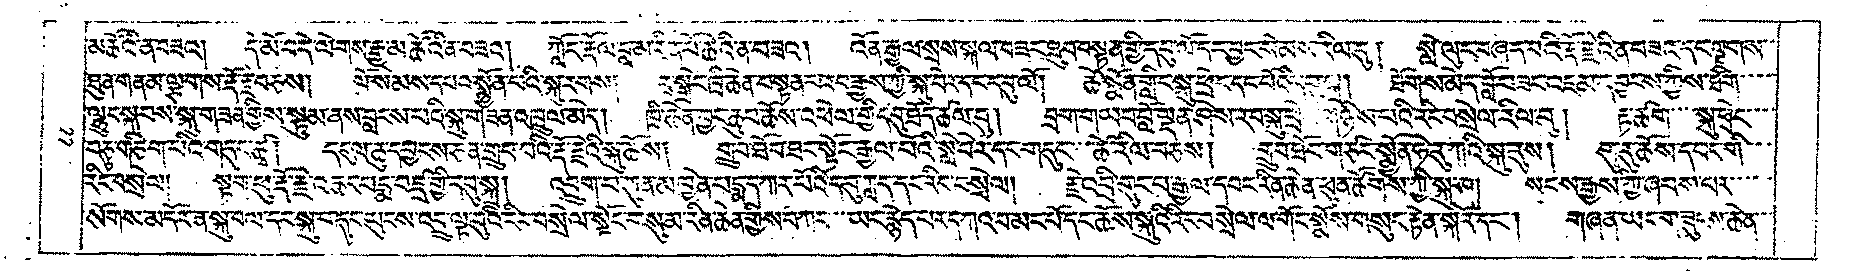མཚོའི་ན་བཟའ། དེ་མོ་བདེ་ལེགས་རྒྱ་མཚོའི་ན་བཟའ། ཀློང་རྡོལ་བླ་མ་རིན་པོ་ཆེའི་ན་བཟའ། འོན་རྒྱལ་སྲས་སྐལ་བཟང་ཐུབ་བསྟན་གྱི་དབུ་ལོ་དང་བྱང་སེམས་རིལ་བུ། སླེ་ལུང་བཞད་པའི་རྡོ་རྗེའི་ན་བཟའ་དང་ལྗགས་
ཐུན་གནམ་ལྕགས་རྡོ་རྗེ་བཅས། ལོ་སེམས་དཔའ་སྨྱོན་པའི་སྐུ་རགས། རྭ་སྒྲེང་ཁྲི་ཆེན་བསྟན་པ་རབ་རྒྱས་ཀྱི་སྐུ་བེར་དང་དབུ་ལོ། ཚེ་སྨོན་གླིང་སྐུ་ཕྲེང་དང་པོའི་དབུ་སྐྲ། ཐོགས་མེད་བློ་བཟང་འཇམ་དབྱངས་ཀྱིས་ཐོག་
ལྷུང་སྐབས་སྐུ་གཟན་གྱིས་སྟུམ་ནས་བླངས་པའི་སྐུ་གཟན་འཁྲུལ་མེད། ཁྲི་ཆེན་བྱང་ཆུབ་ཆོས་འཕེལ་གྱི་དབུ་ཐོད་ཚལ་བུ། བྲག་གཡབ་བློ་ལྡན་ཤེས་རབ་སྐུ་ཕྲེང་གཉིས་པའི་རིང་བསྲེལ་རིལ་བུ། རྟ་ཚག་སྐུ་ཕྲེང་
བཅུ་གཅིག་པའི་གདུང་ཚྭ། དངུལ་ཆུ་དབྱངས་ཅན་གྲུབ་པའི་རྡོ་རྗེའི་སྐུ་ཆོས། གྲུབ་ཐོབ་ཐང་སྟོང་རྒྱལ་པོའི་སླེ་བེར་དང་གདུང་ཚེ་རིལ་བཅས། གྲུབ་ཐོབ་གཙང་སྨྱོན་ཧེ་རུ་ཀའི་སྐུ་རུས། གུ་རུ་ཆོས་དབང་གི་
རིང་བསྲེལ། སྟག་ཕུ་རྡོ་རྗེ་འཆང་པདམ་བཛྲ་གྱི་དབུ་སྐྲ། འབྲུག་པ་ཀུན་མཁྱེན་པདམ་དཀར་པོའི་དབུ་ཀླད་དང་རིང་བསྲེལ། རྗེ་འབྲི་གུང་པ་རྒྱལ་དབང་རིན་ཆེན་ཕུན་ཚོགས་ཀྱི་སྐུ་ཤ། སངས་རྒྱས་ཀྱི་ཞབས་པར་
སོགས་མདོར་ན་སྐུ་བལ་དང་སྐུ་གདུང་ཡུངས་འབྲུ་ལྟ་བུའི་རིང་བསྲེལ་སྟོང་གསུམ་རིན་ཆེན་གྱིས་བཀང་ཡང་རྙེད་པར་དཀའ་བ་མང་པོ་དང་ཆོས་སྐུའི་རིང་བསྲེལ་ལ་གོང་སྨོས་གསུང་རྟེན་སྐོར་དང་། གཞན་ཡང་གཟུངས་ཆེན་